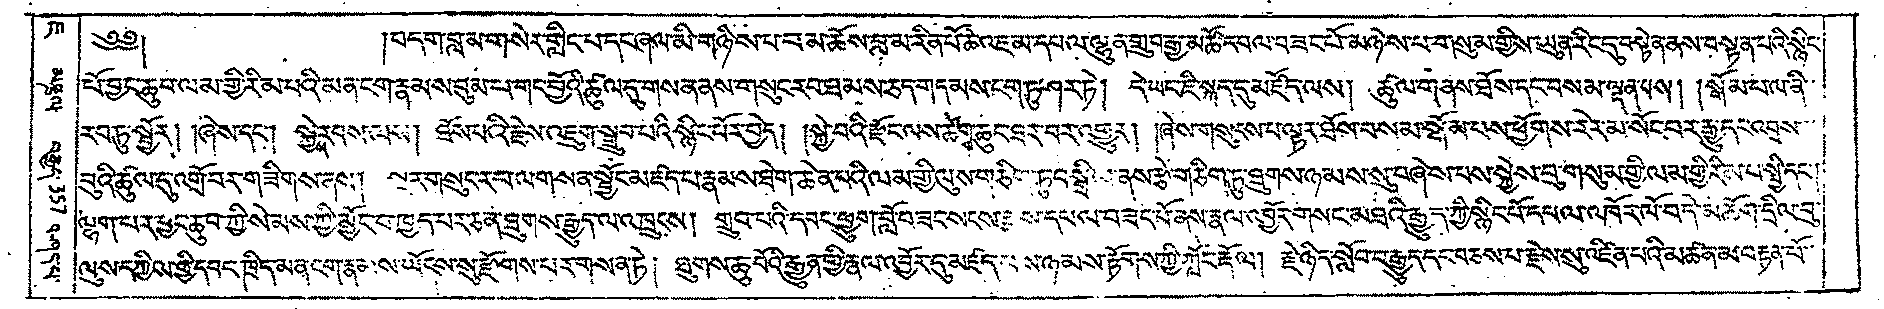༄༅། །བདག་བླ་མ་གསེར་གླིང་པ་དང་ཞལ་མི་གཉིས་པ་བམ་ཆོས་བླ་མ་རིན་པོ་ཆེ་འཇམ་དཔལ་ལྷུན་གྲུབ་རྒྱ་མཚོ་དཔལ་བཟང་པོ་མཉེས་པ་གསུམ་གྱིས་ཡུན་རིང་དུ་བསྟེན་ནས་བསྟན་པའི་སྙིང་
པོ་བྱང་ཆུབ་ལམ་གྱི་རིམ་པའི་མན་ངག་རྣམས་བུམ་པ་གང་བྱོའི་ཚུལ་དུ་གསན་ནས་གསུང་རབ་ཐམས་ཅད་གདམས་ངག་ཏུ་ཤར་ཏེ། དེ་ཡང་ཇི་སྐད་དུ་མཛོད་ལས། ཚུལ་གནས་ཐོས་དང་བསམ་ལྡན་པས། །སྒོམ་པ་ལ་ནི་
རབ་ཏུ་སྦྱོར། །ཞེས་དང་། སྐྱེས་རབས་ལས། ཐོས་པའི་རྗེས་འཇུག་སྒྲུབ་པའི་སྙིང་པོར་བྱེད། །སྐྱེ་བའི་རྫོང་ལས་ཚེགས་ཆུང་ཐར་བར་འགྱུར། །ཞེས་གསུངས་པ་ལྟར་ཐོས་བསམ་སྒོམ་པས་ཕྱོགས་རེར་མ་སོང་བར་རྒྱུ་དང་འབྲས་
བུའི་ཚུལ་དུ་འགྲོ་བར་གཟིགས་ནས། སྔར་གསུང་རབ་ལ་གསན་སྦྱོང་མཛད་པ་རྣམས་ཐེག་ཆེན་པའི་ལམ་གྱི་ལུས་གཅིག་ཏུ་བསྒྲིལ་ནས་རྩེ་གཅིག་ཏུ་ཐུགས་ཉམས་སུ་བཞེས་པས་སྐྱེས་བུ་གསུམ་གྱི་ལམ་གྱི་རིམ་པ་སྤྱི་དང་།
ལྷག་པར་བྱང་ཆུབ་ཀྱི་སེམས་ཀྱི་མྱོང་བ་ཁྱད་པར་ཅན་ཐུགས་རྒྱུད་ལ་འཁྲུངས། གྲུབ་པའི་དབང་ཕྱུག་བློ་བཟང་སངས་རྒྱས་དཔལ་བཟང་པོ་ནས་རྣལ་འབྱོར་གསང་མཐའི་རྒྱུད་ཀྱི་སྙིང་པོ་དཔལ་འཁོར་ལོ་བདེ་མཆོག་དྲིལ་བུ་
ལུས་དཀྱིལ་གྱི་དབང་ཁྲིད་མན་ངག་རྣམས་ཡོངས་སུ་རྫོགས་པར་གསན་ཏེ། ཐུགས་ཆུ་བོའི་རྒྱུན་གྱི་རྣལ་འབྱོར་དུ་མཛད་པས་ཉམས་རྟོགས་ཀྱི་ཀློང་རྡོལ། རྗེ་ཉིད་སློབ་བརྒྱུད་དང་བཅས་པ་རྗེས་སུ་འཛིན་པའི་མཚན་མ་བརྟན་པོ་